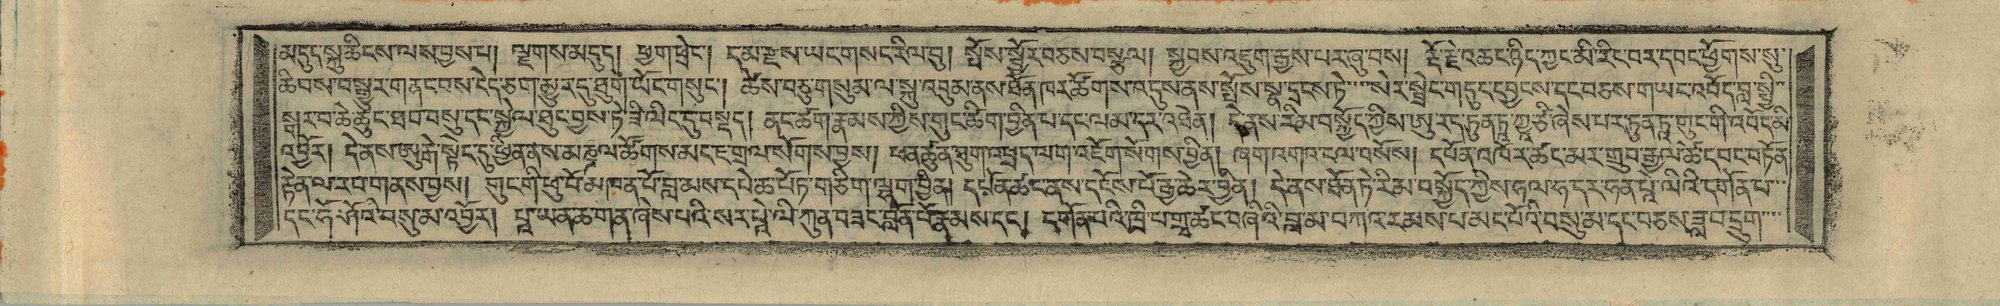མདུད་སྐུ་ཆིངས་ལས་བྱས་པ། ལྗགས་མདུད། ཕྱག་ཕྲེང་། དམ་རྫས་ཡང་གསང་རིལ་བུ། སྤོས་སྦྱོར་བཅས་བསྩལ། སྐྱབས་འཇུག་རྒྱས་པར་ཞུ་བས། རྡོ་རྗེ་འཆང་ཉིད་ཀྱང་མི་རིང་བར་དབང་ཕྱོགས་སུ་
ཆིབས་བསྒྱུར་གནང་བས་ངེད་ཅག་མྱུར་དུ་ཐུག་ཡོང་གསུང་། ཚེས་བཅུ་གསུམ་ལ་སྐུ་འབུམ་ནས་ཐོན་ཁར་ཚོགས་འདུས་ནས་སྤོས་སྣ་དྲངས་ཏེ་སེར་སྦྲེང་གདུང་དབྱངས་དང་བཅས་གཡང་འབོད་བླ་སྤྱི་
སྒར་བ་ཆེ་ཆུང་ཐབ་བསུ་དང་སྐྱེལ་ཐུང་བྱས་ཏེ་ཟི་ལིང་དུ་བསྡད། ནང་ཚག་རྣམས་ཀྱིས་གུང་ཚིག་བྱིན་པ་དང་ལམ་དར་འཐེན། དེ་ནས་རིམ་བསྐྱོད་ཀྱིས་ཨུ་རད་ཏུན་ཏཱ་ཀྱཱ་ཙི་ཞེས་པར་ཏུན་ཏཱ་གུང་གི་འབོད་མི་
འབྱོར། དེ་ནས་ཨུརྒེ་སྟེང་དུ་ཕྱིན་ནས་མཎྜལ་ཚོགས་མང་ཇེ་གྲལ་སོགས་བྱས། ཕན་ཚུན་ཐུག་འཕྲད་ལག་འཇོག་སོགས་བྱིན། ཞག་འགའ་ངལ་བསོས། དཔོན་འཁོར་ཚང་མར་གྲུབ་རྒྱལ་ཚེ་དབང་བཏོན་
རྟེན་ལ་རབ་གནས་བྱས། གུང་གི་ཕུ་བོ་མཁན་པོ་བླ་མས་དཔེ་ཆ་པོཏ་གཅིག་ལྷག་བྱིན། དཔོན་ཚང་ནས་དངོས་པོ་རྒྱ་ཆེར་བྱིན། དེ་ནས་ཐོན་ཏེ་རིམ་བསྐྱོད་ཀྱིས་ཧལ་ཧ་དར་ཧན་པE་ལིའི་དགོན་པ་
དང་ཧོ་ཤོའི་བསུ་མ་འབྱོར། པཱ་ཡན་ཆ་གན་ཞེས་པའི་སར་པE་ལི་ཀུན་བཟང་བློན་པོ་རྣམས་དང་། དགོན་པའི་ཁྲི་པ་གྲྭ་ཚང་བཞིའི་བླ་མ་བཀའ་རམས་པ་མང་པོའི་བསུ་མ་དང་བཅས་ཟླ་བ་དྲུག་